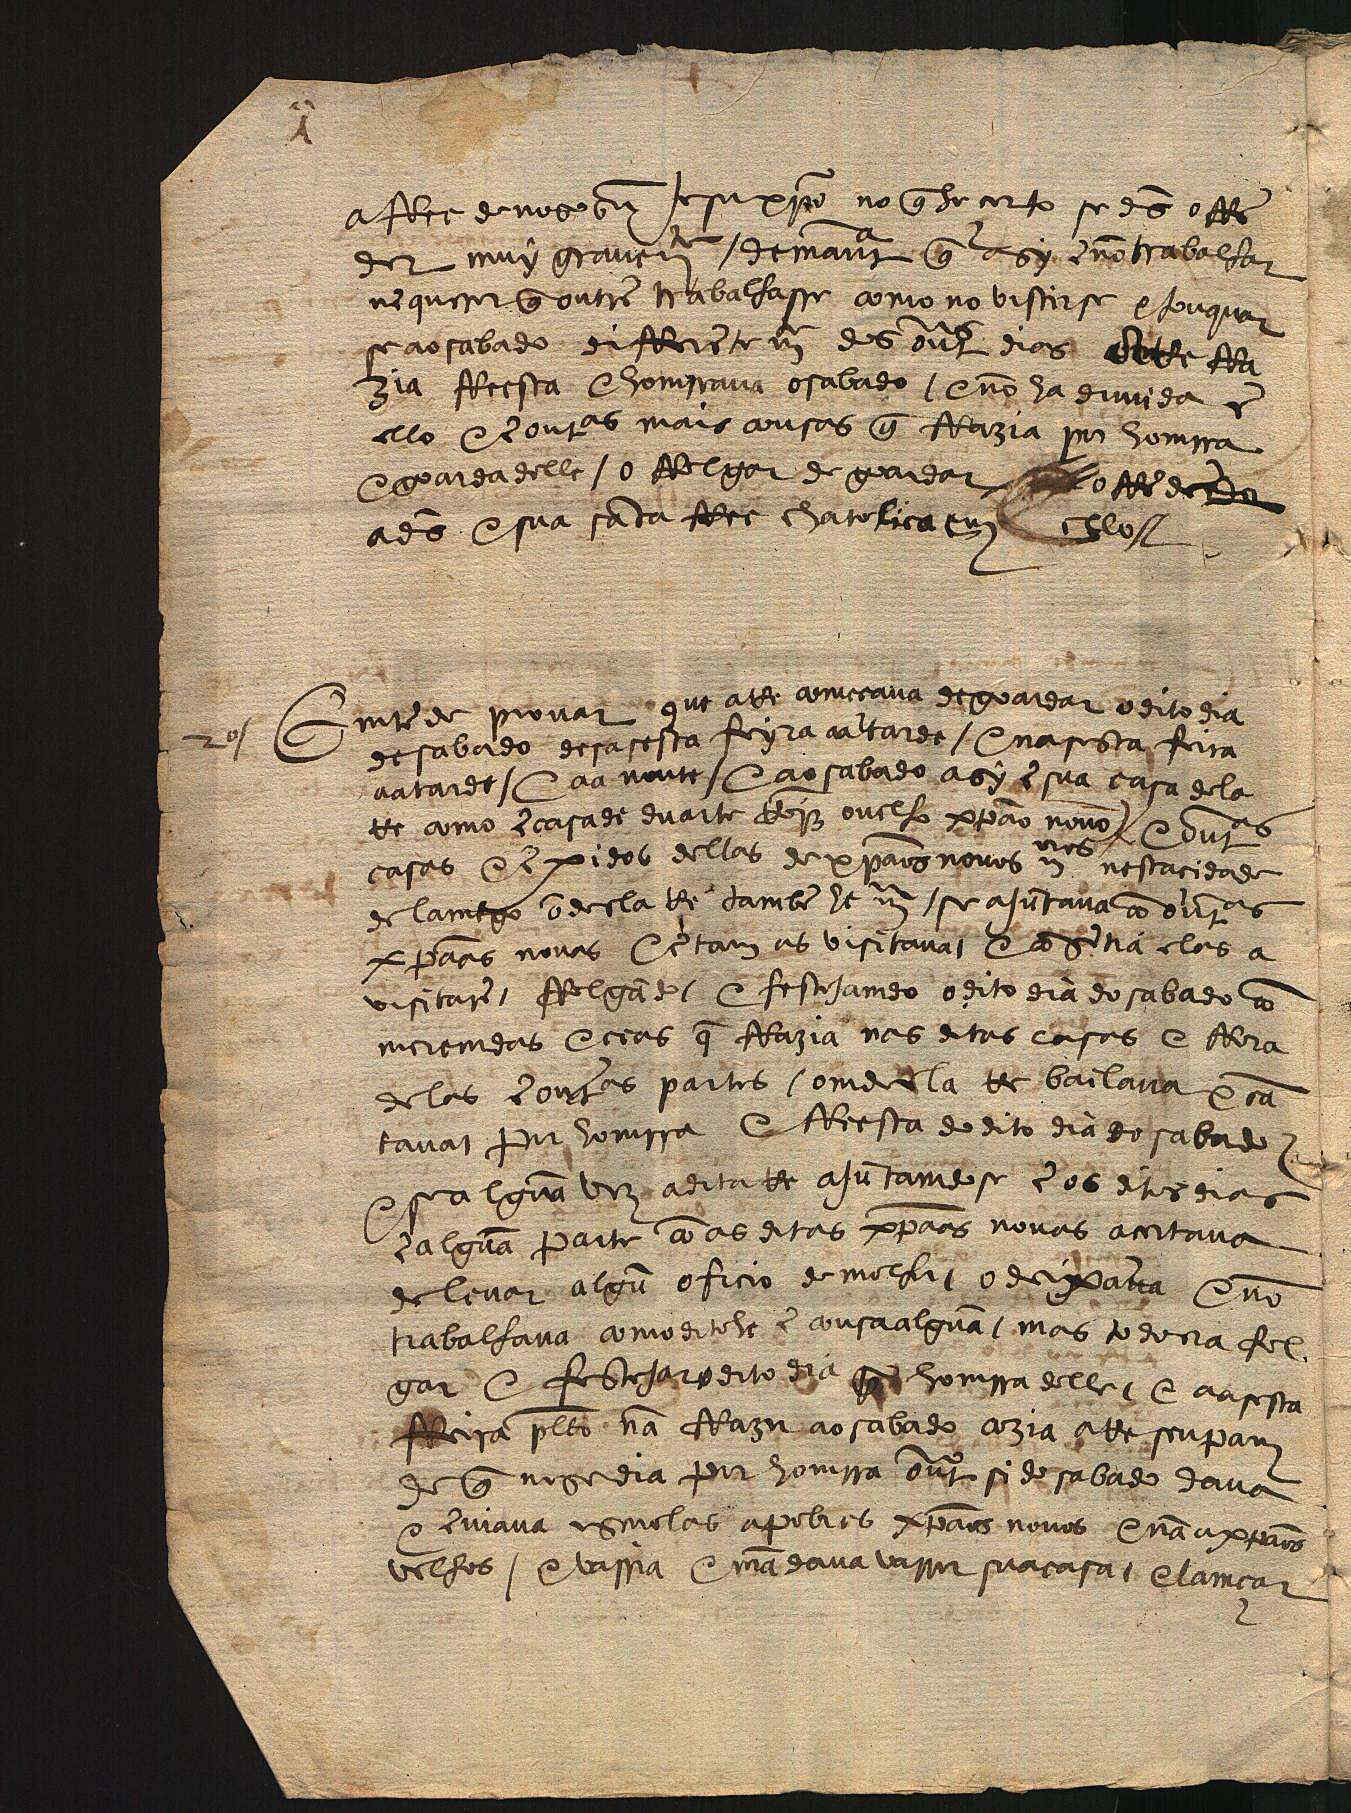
a ffee de noso s̄or Jesu xp̄o no q̄ he çerto se ds̄ offē
der muy grauemte / de manra q̄ asy ē n̄o trabalhar
nē querer q̄ outrē trabalhasse como no vistirse e touquar
se ao sabado differētemte dos outros dias A Re ffa
zia ffeesta e homrraua o sabado / e n̄o ha duujda ē
ello e ē outas mais cousas q̄ ffazia por homrra
e goarda delle / o ffolgar de goardar __ offēdēdo
a ds̄ e sua sāta ffee chatolica em ello //
Emten̄de prouar que a Re começaua de goardar o dito dia
de sabado des a sesta feyra aa tarde / e na sesta feira
aa tarde / e aa noute / e ao sabado asy ē sua casa dela
Re como ē casa de duarte Rōjz o uelho xpão nouo / e outras
casas e ēxidos dellas de xpãos nouos mores nesta çidade
de lamego ōde ela Re tambē he mor / se aJūtaua c̄o outras
xpāas nouas e ētam as visitaua / e c̄osētia elas a
visitarē / ffolgādo / e festejamdo o dito doa do sabado cō
meremdas e çeas q̄ ffazia nas ditas casas e ffora
delas ē outas partes / omde ela Re bailaua e c̄a
taua / por homrra e ffeesta do dito dia do sabado /
e se algūa vez a dita Re aJūtamdose ē os ditos dias
ē algūa parte c̄o as ditas x̄paas nouas açertaua
de leuar algū oficio de molher / o deixaua e n̄o
trabalhaua como dito he em cousa alguā / mas todo era fol
gar e festeJar o dito dia p̄o homrra delle / e aa sesta
ffeira p̄llo nā ffazer ao sabado cozia a Re seu pam
de que nese dia por homrra outro si do sabado daua
e ēuiaua esmolas a pobres xpãos nouos e nā a xpãos
velhos / e varria e mādaua varrer sua casa / e lamçar
